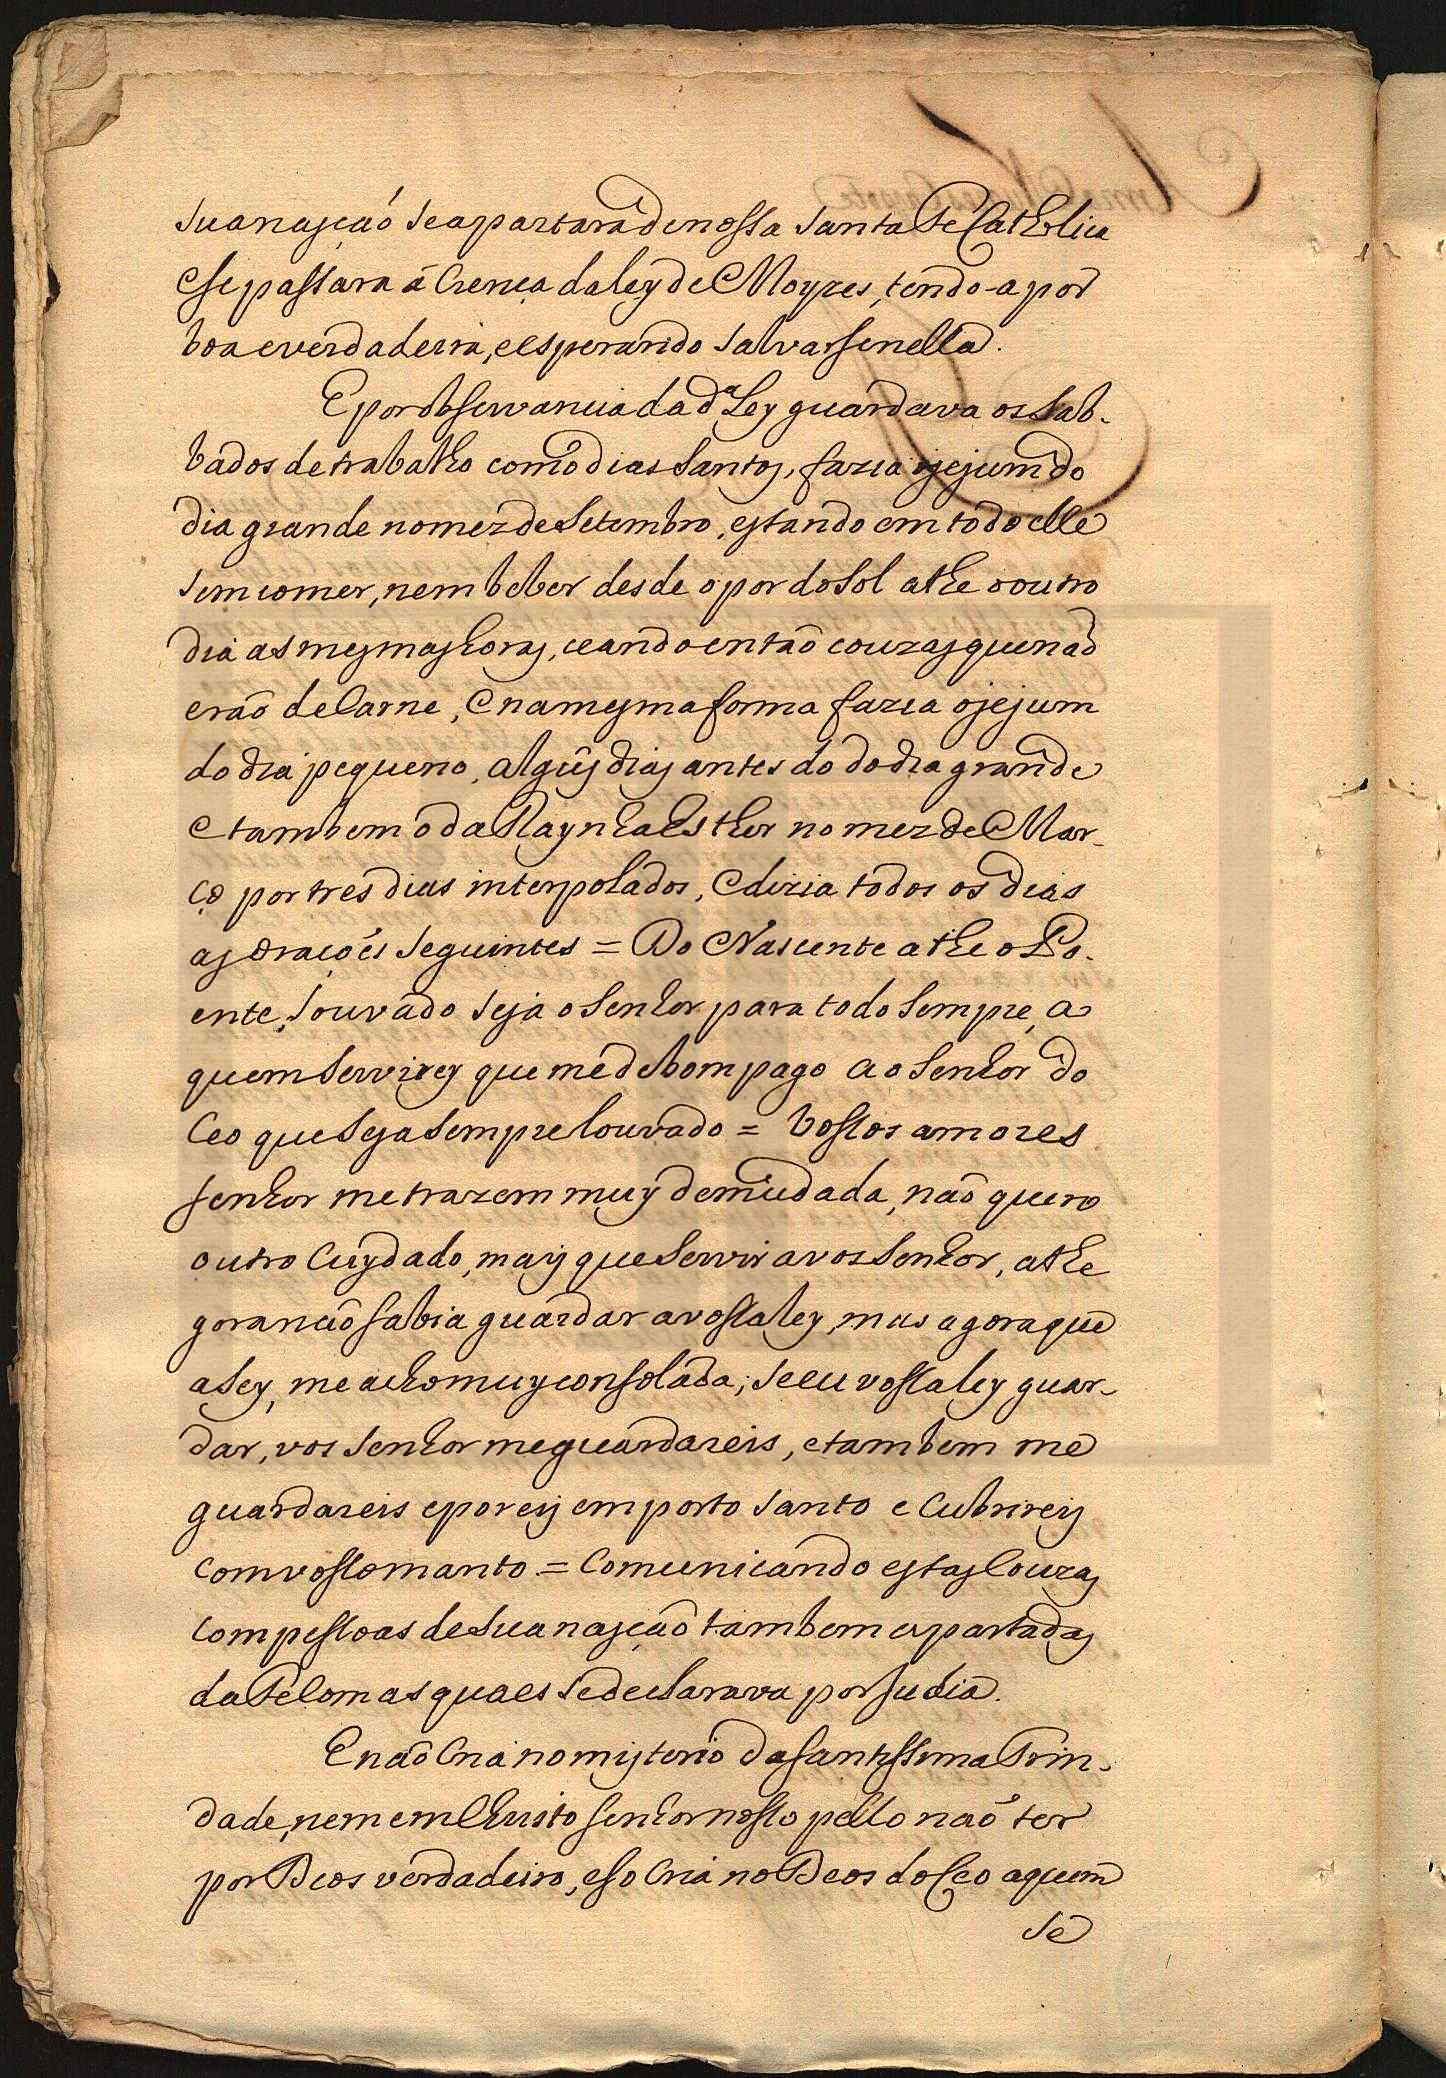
sua nasçaõ se apartara de nossa santa Fe Catholica
e se passara á Crença da ley de Moyzes, tendo-a por
boa e verdadeira, e esperando salvarse nella.
E por observancia da da Ley guardava os Sab.
bados de trabalho como dias Santos, fazia o jejum do
dia grande no mez de Setembro, estando em todo elle
sem comer, nem beber desde o por do sol athe o outro
dia as mesmas horas, ceando entaõ couzas que naõ
eraõ de Carne, e na mesma forma fazia o jejum
do dia pequeno, algūs dias antes do do dia grande
e tambem o da Raynha Esther, no mez de Mar
ço por tres dias interpolados, e dizia todos os dias
as oraçoẽs seguintes = Do Nascente athe o Po
ente, louvado seja o Senhor para todo sempre a
quem servirey que me de bom pago ao Senhor do
Ceo que seja sempre louvado = Vossos amores
senhor me trazem muy demudada, naõ quero
outro cuydado, mais que servir a vos Senhor athe
gora naõ sabia guardar a vossa ley mas agora que
a Sey, me acho muy consolada; se eu vossa ley guar
dar, vos senhor me guardareis, e tambem me
guardareis e poreis em porto santo e cubrireis
com vosso manto = comunicando estas couzas
com pessoas de sua nasçaõ tambem apartadas
da Fe com as quaes se declarava por Judia.
E naõ Cria no misterio da santissima Trin
dade, nem em Christo senhor nosso pello naõ ter
por Deos verdadeiro, e so cria no Deos do Ceo a quem
se
